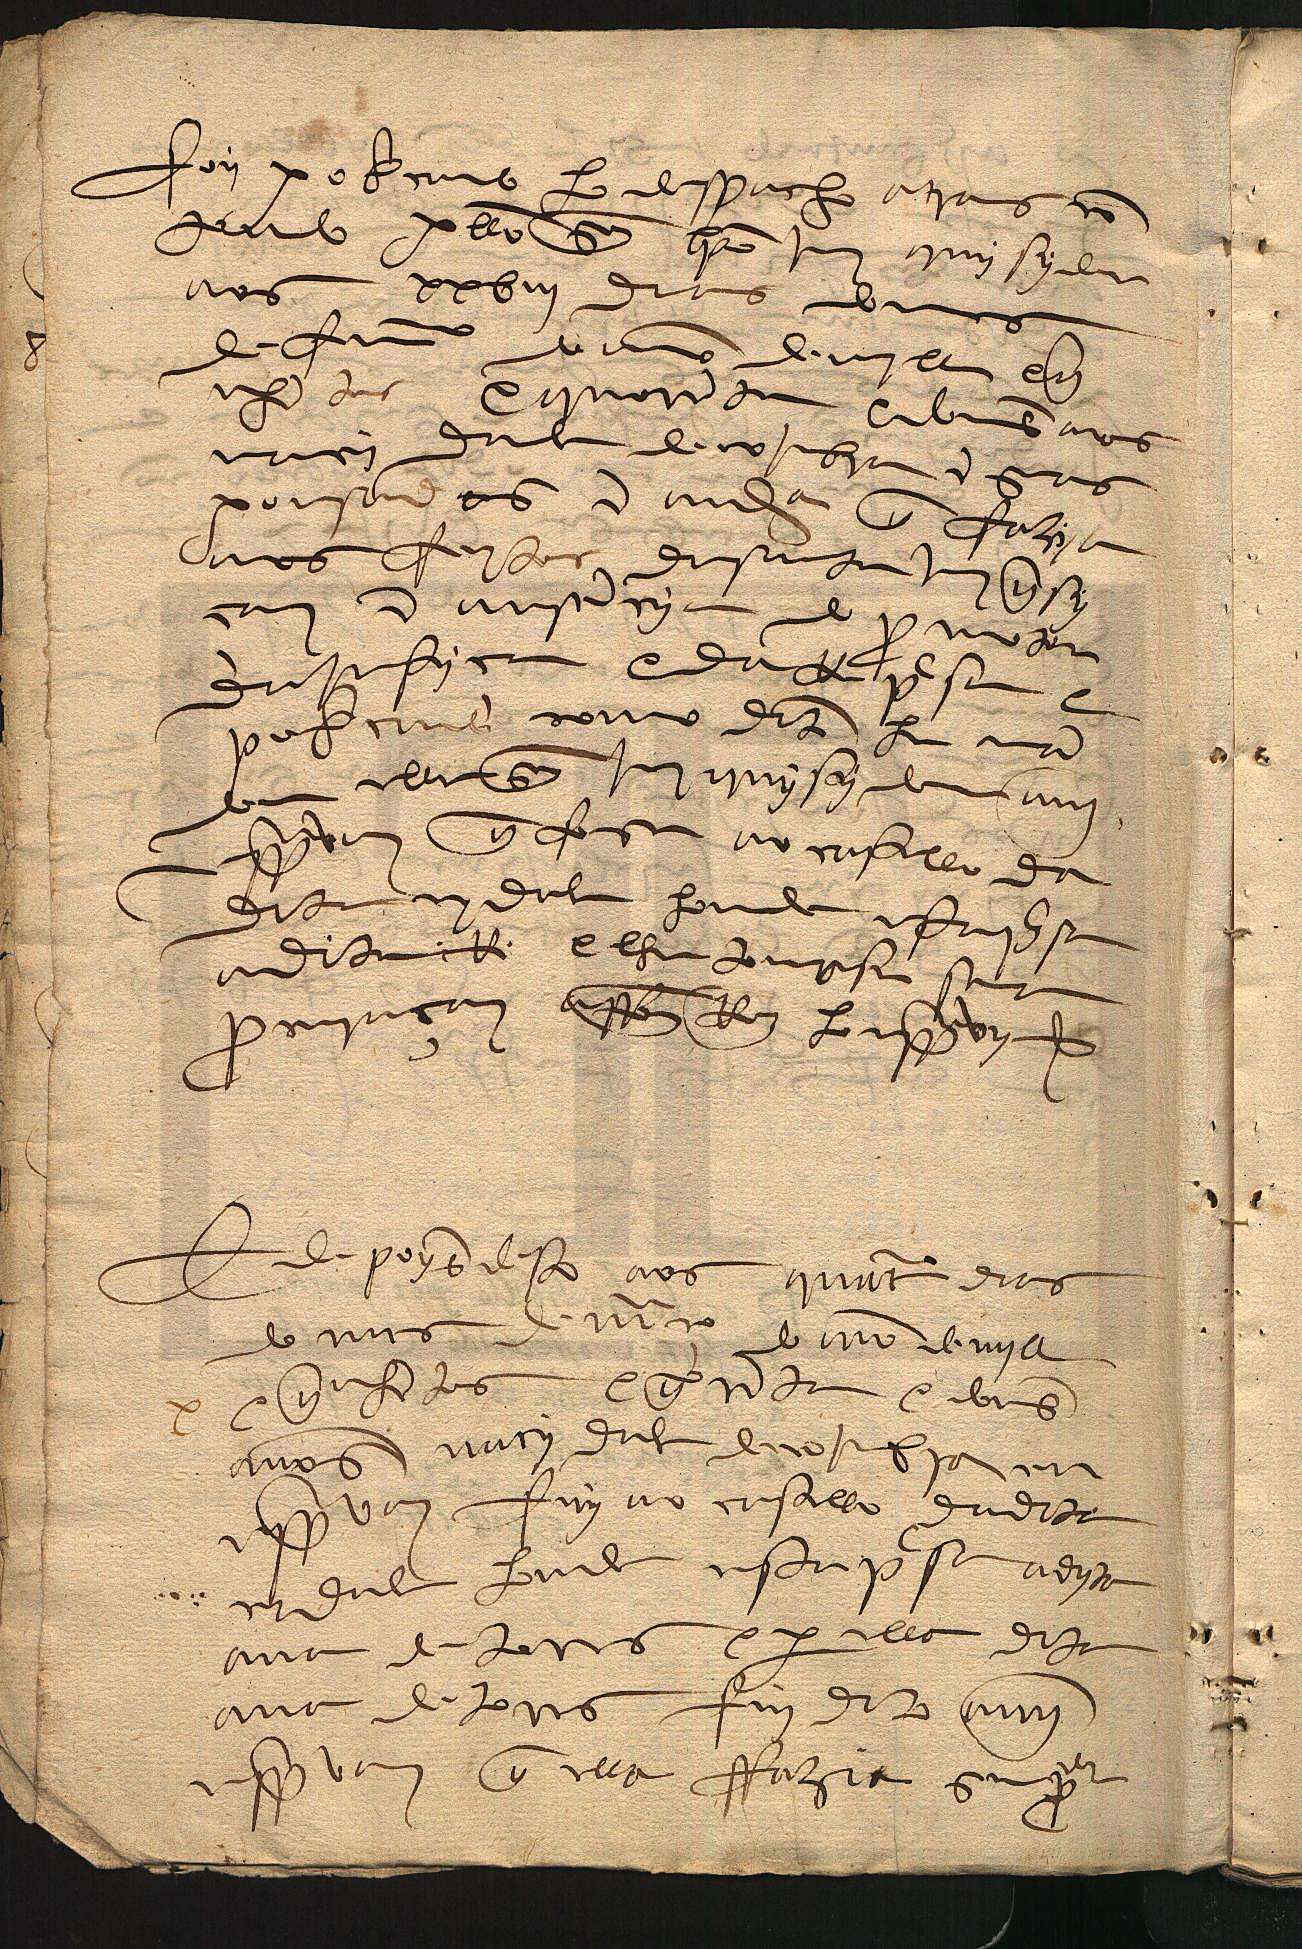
foi pobicado ho despacho atras cō
teudo pl̄lo s̄or bpō Imquysydor
aos xxbiij dias do mes
de feuro do an̄o de mjll e q̄
nhētos e quorēta e dous anos
na cydade de coJnbra ē suas
pousadas ē audja q̄ fazya
nos feytos da santa Jmq̄sy
çam ē ausēcya do ꝓmotor
da Justyça e da Re p̄sa e
pobicado como dito he mā
dou elle s̄or Jmquysydor a mj̄
esꝑvam q̄ fose ao castello da
dita cydade honde esta p̄sa
a dita .Re e lhe tomase sua
ꝓcuraçam āffom Roz ho esp̄vy
E depoys desto aos quatro dias
do mes de m̄ço do an̄o de mjll
e q̄nhētos e q̄orēta e dous
an̄os na cydade de coJnbra eu
esp̄vam fuy ao castello da dita
cydade honde esta p̄sa a dyta
ana de tores e ꝑ ella dita
ana de tores foy dito a m̄j
esp̄vam q̄ ella ffazia seu ꝓdor
